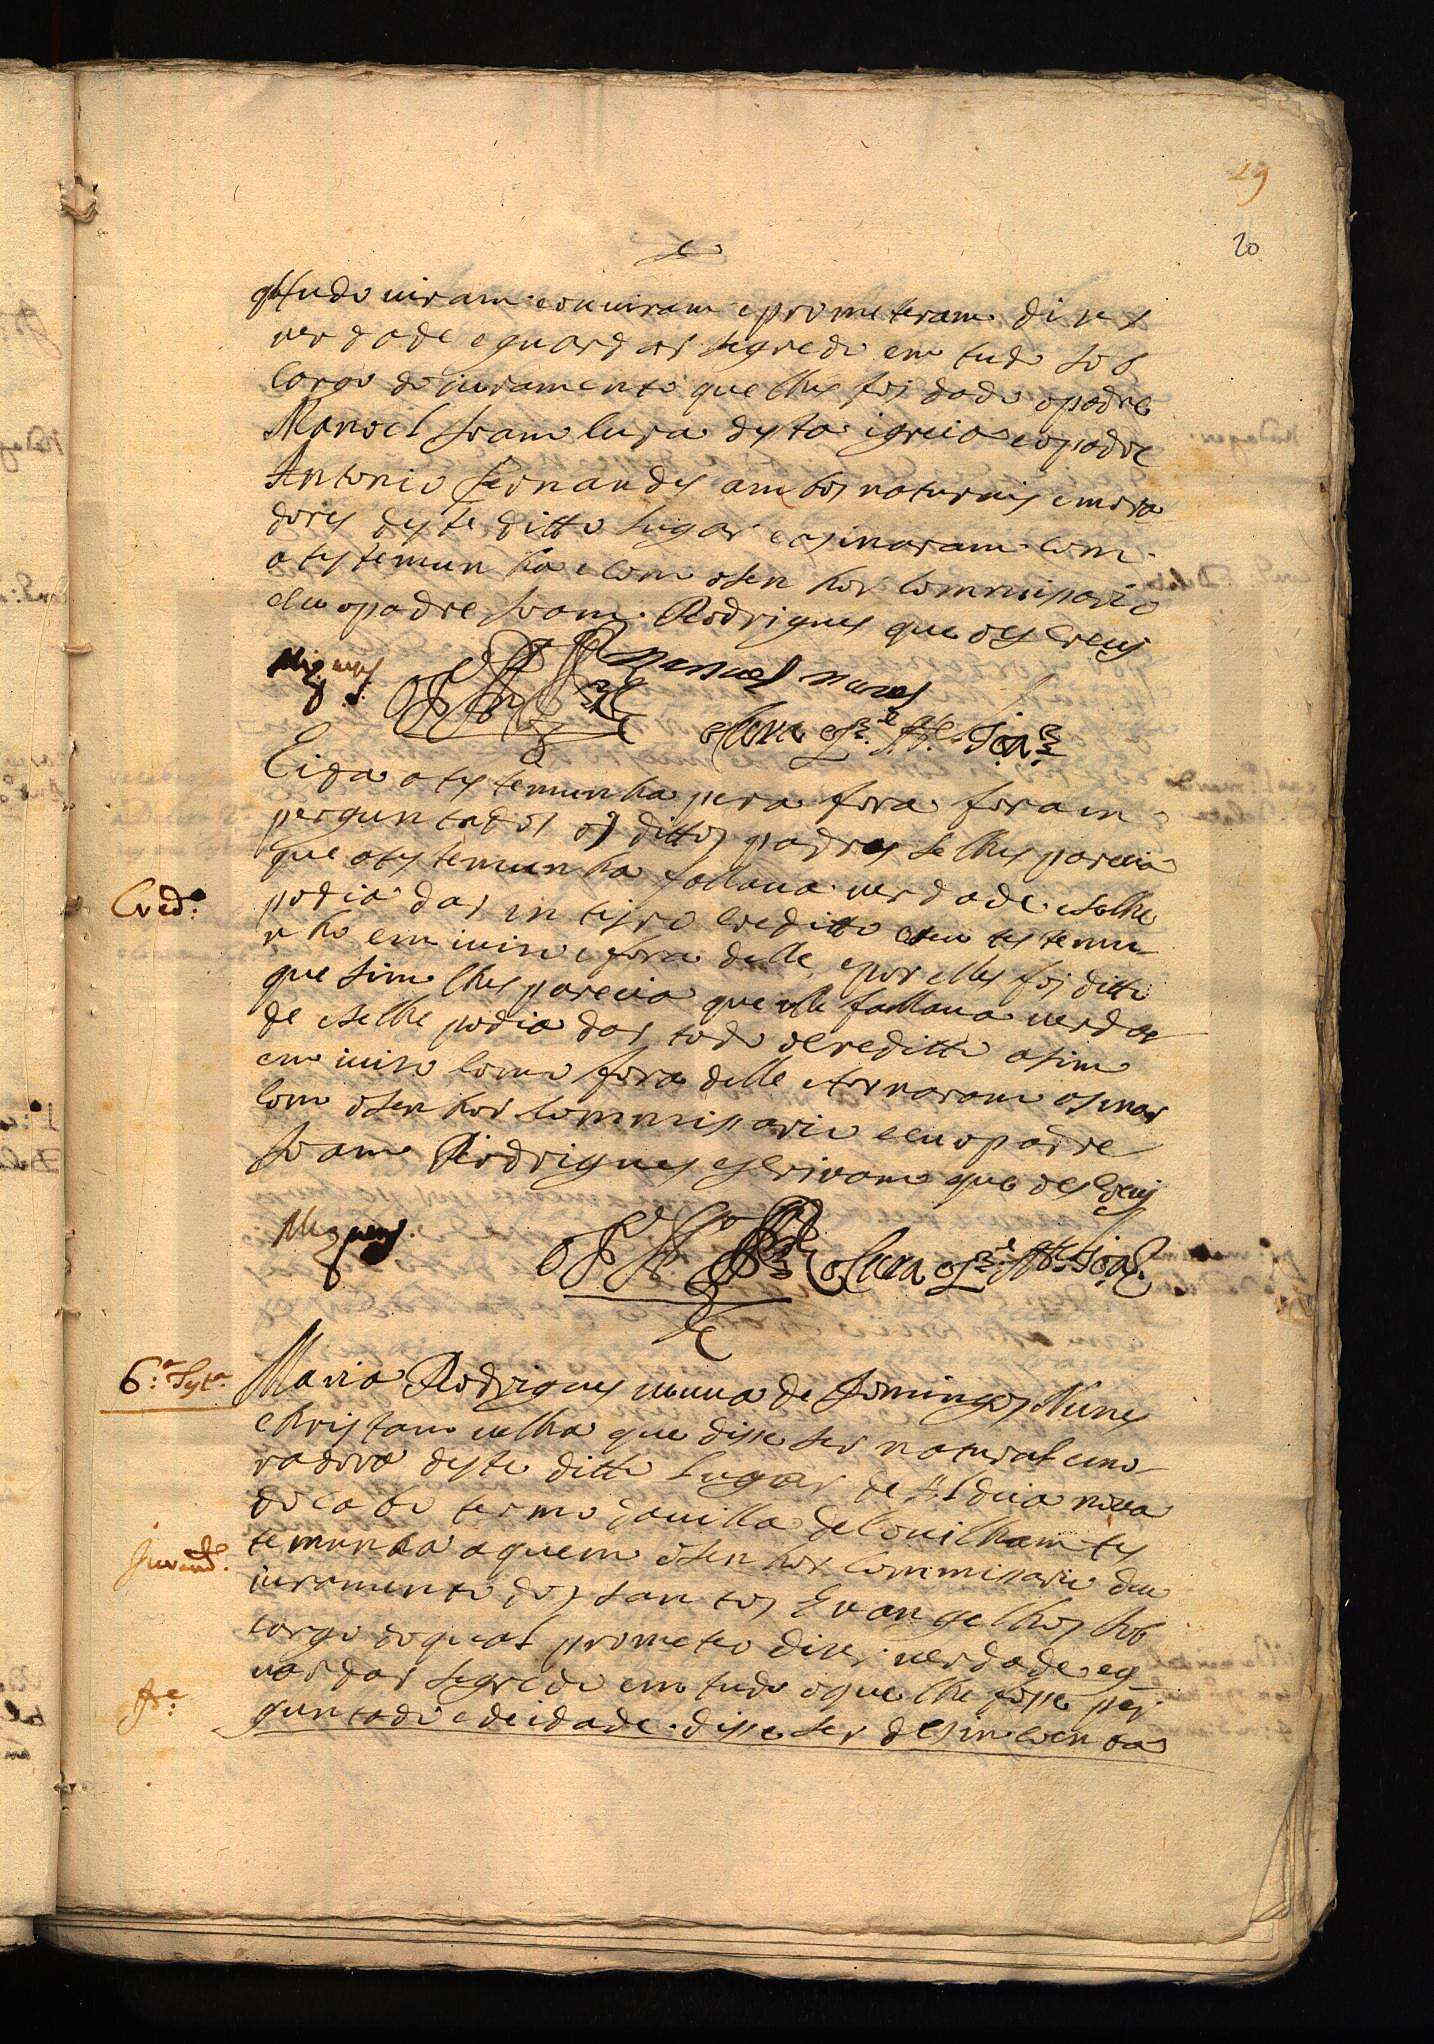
q̄ tudo uiram e ouuiram e prometeram dizer
uerdade e guardar segredo em tudo sob
cargo do iuramento que lhes foi dado o padre
Manoel Joam cura desta igreia e o padre
Antonio fernandes ambos naturais e mora
dores deste ditto lugar e asinaram com
a testemunha e com o senhor commissario
e eu o padre Ioam Rodrigues que o escreuj
E ida a testemunha pera fora foram
perguntados os dittos padres se lhes parecia
que a testemunha fallaua uerdade e se lhe
podia dar inteiro creditto a seu testemu
nho em iuizo e fora delle, e por elles foi ditto
que sim lhes parecia que elle fallaua uerda
de e se lhe podia dar todo o creditto asim
em iuizo como fora delle e tornaram asinar
com o senhor commissario e eu o padre
Joam Rodrigues escrivam que o escreuj
Maria Rodrigues uiuua de Domingos Nunes
christam uelho que disse ser natural e mo
radora deste ditto lugar de Aldeia noua
do cabo termo da uilla de Couilham tes
temunha a quem o senhor commissario deu
iuramento dos santos Euangelhos sob
cargo do qual prometeo dizer uerdade e g
uardar segredo em tudo o que lhe fosse per
guntado e de idade. disse ser de sincoenta
Credo.
6:a Testa.
Juramto.
Jde:
